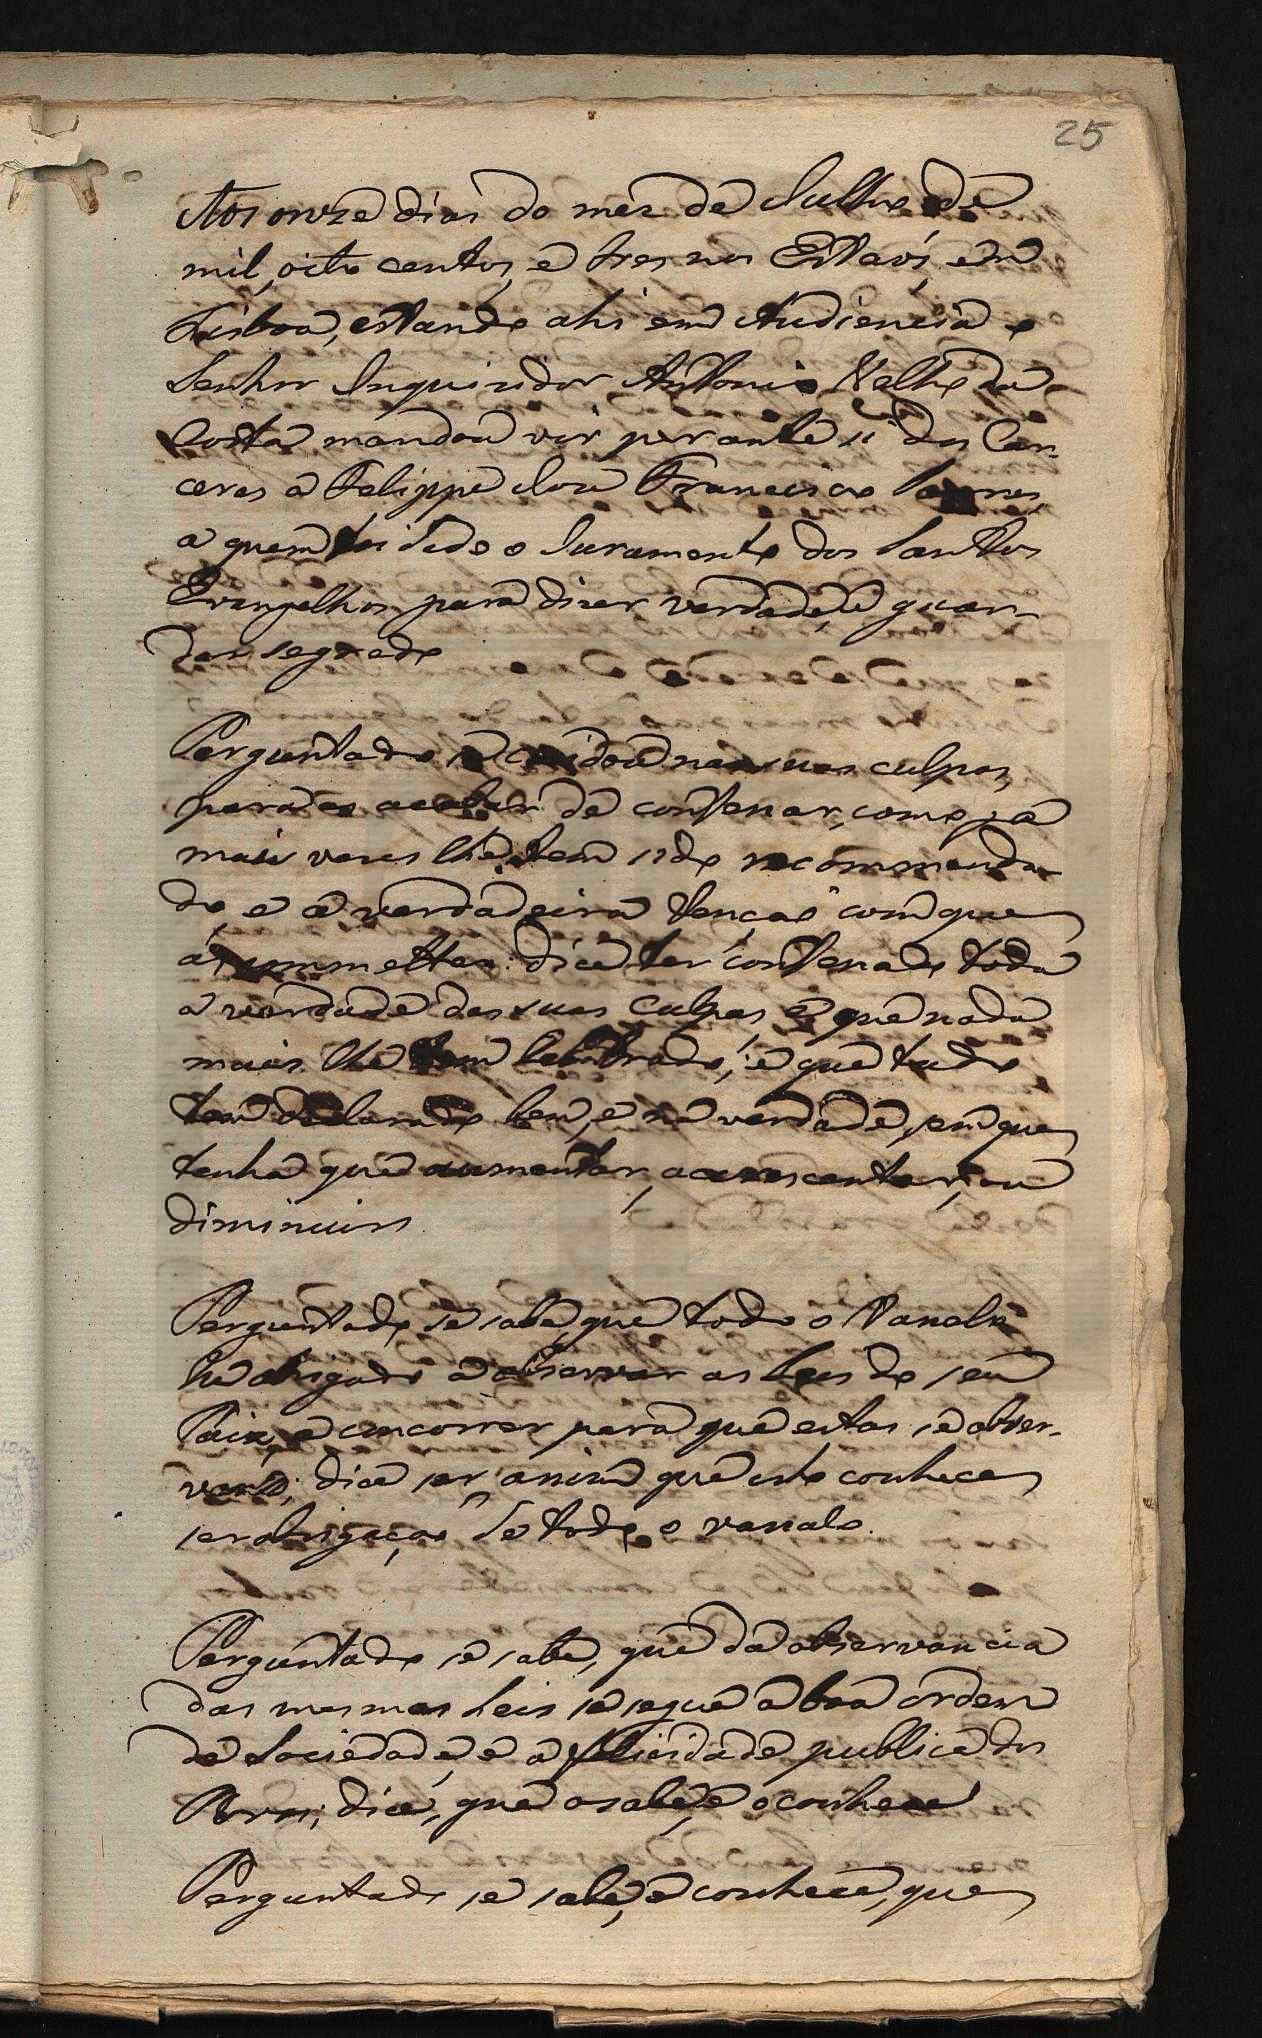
Aos onze dias do mez de Iulho de
mil, oitocentos, e tres nos Estaós em
Lisboa, estando ahi em Audiencia o
Senhor Inquizidor Antonio Velho da
Costa mandou vir perante si dos Car
ceres a Felippe Ioze Francisco so_res,
a quem foi dado o Iuramento dos santos
Evangelhos para dizer verdade e guar
dar segredo
Perguntado s_ c_ idou na_ suas culpas,
para as acabar de confessar, como ja
mais vezes lhe tem sido r_commenda
do, e a verdadeira tençaõ com que
as commetteo: dice ter confessado toda
a verdade das suas culpas, e que nada
mais lhe __m lembrado, e que tudo
tem declarado bem, e na verdade, sem que
tenha que aumentar, acrescentar, ou
diminuir
Perguntado se sabe que todo o Vassalo
he obrigado a observar as Leis do seu
Paiz, e concorrer para que estas se obser
v__; dice ser assim que este conhece
ser obrigaçaõ de todo o vassalo.
Perguntado se sabe, que da observancia
das mesmas Leis se segue a boa ordem
da Sociedade, e a felicidade publica dos
Povos; dice, que o sabe, e conhece
Perguntado se sabe, e conhece, que
